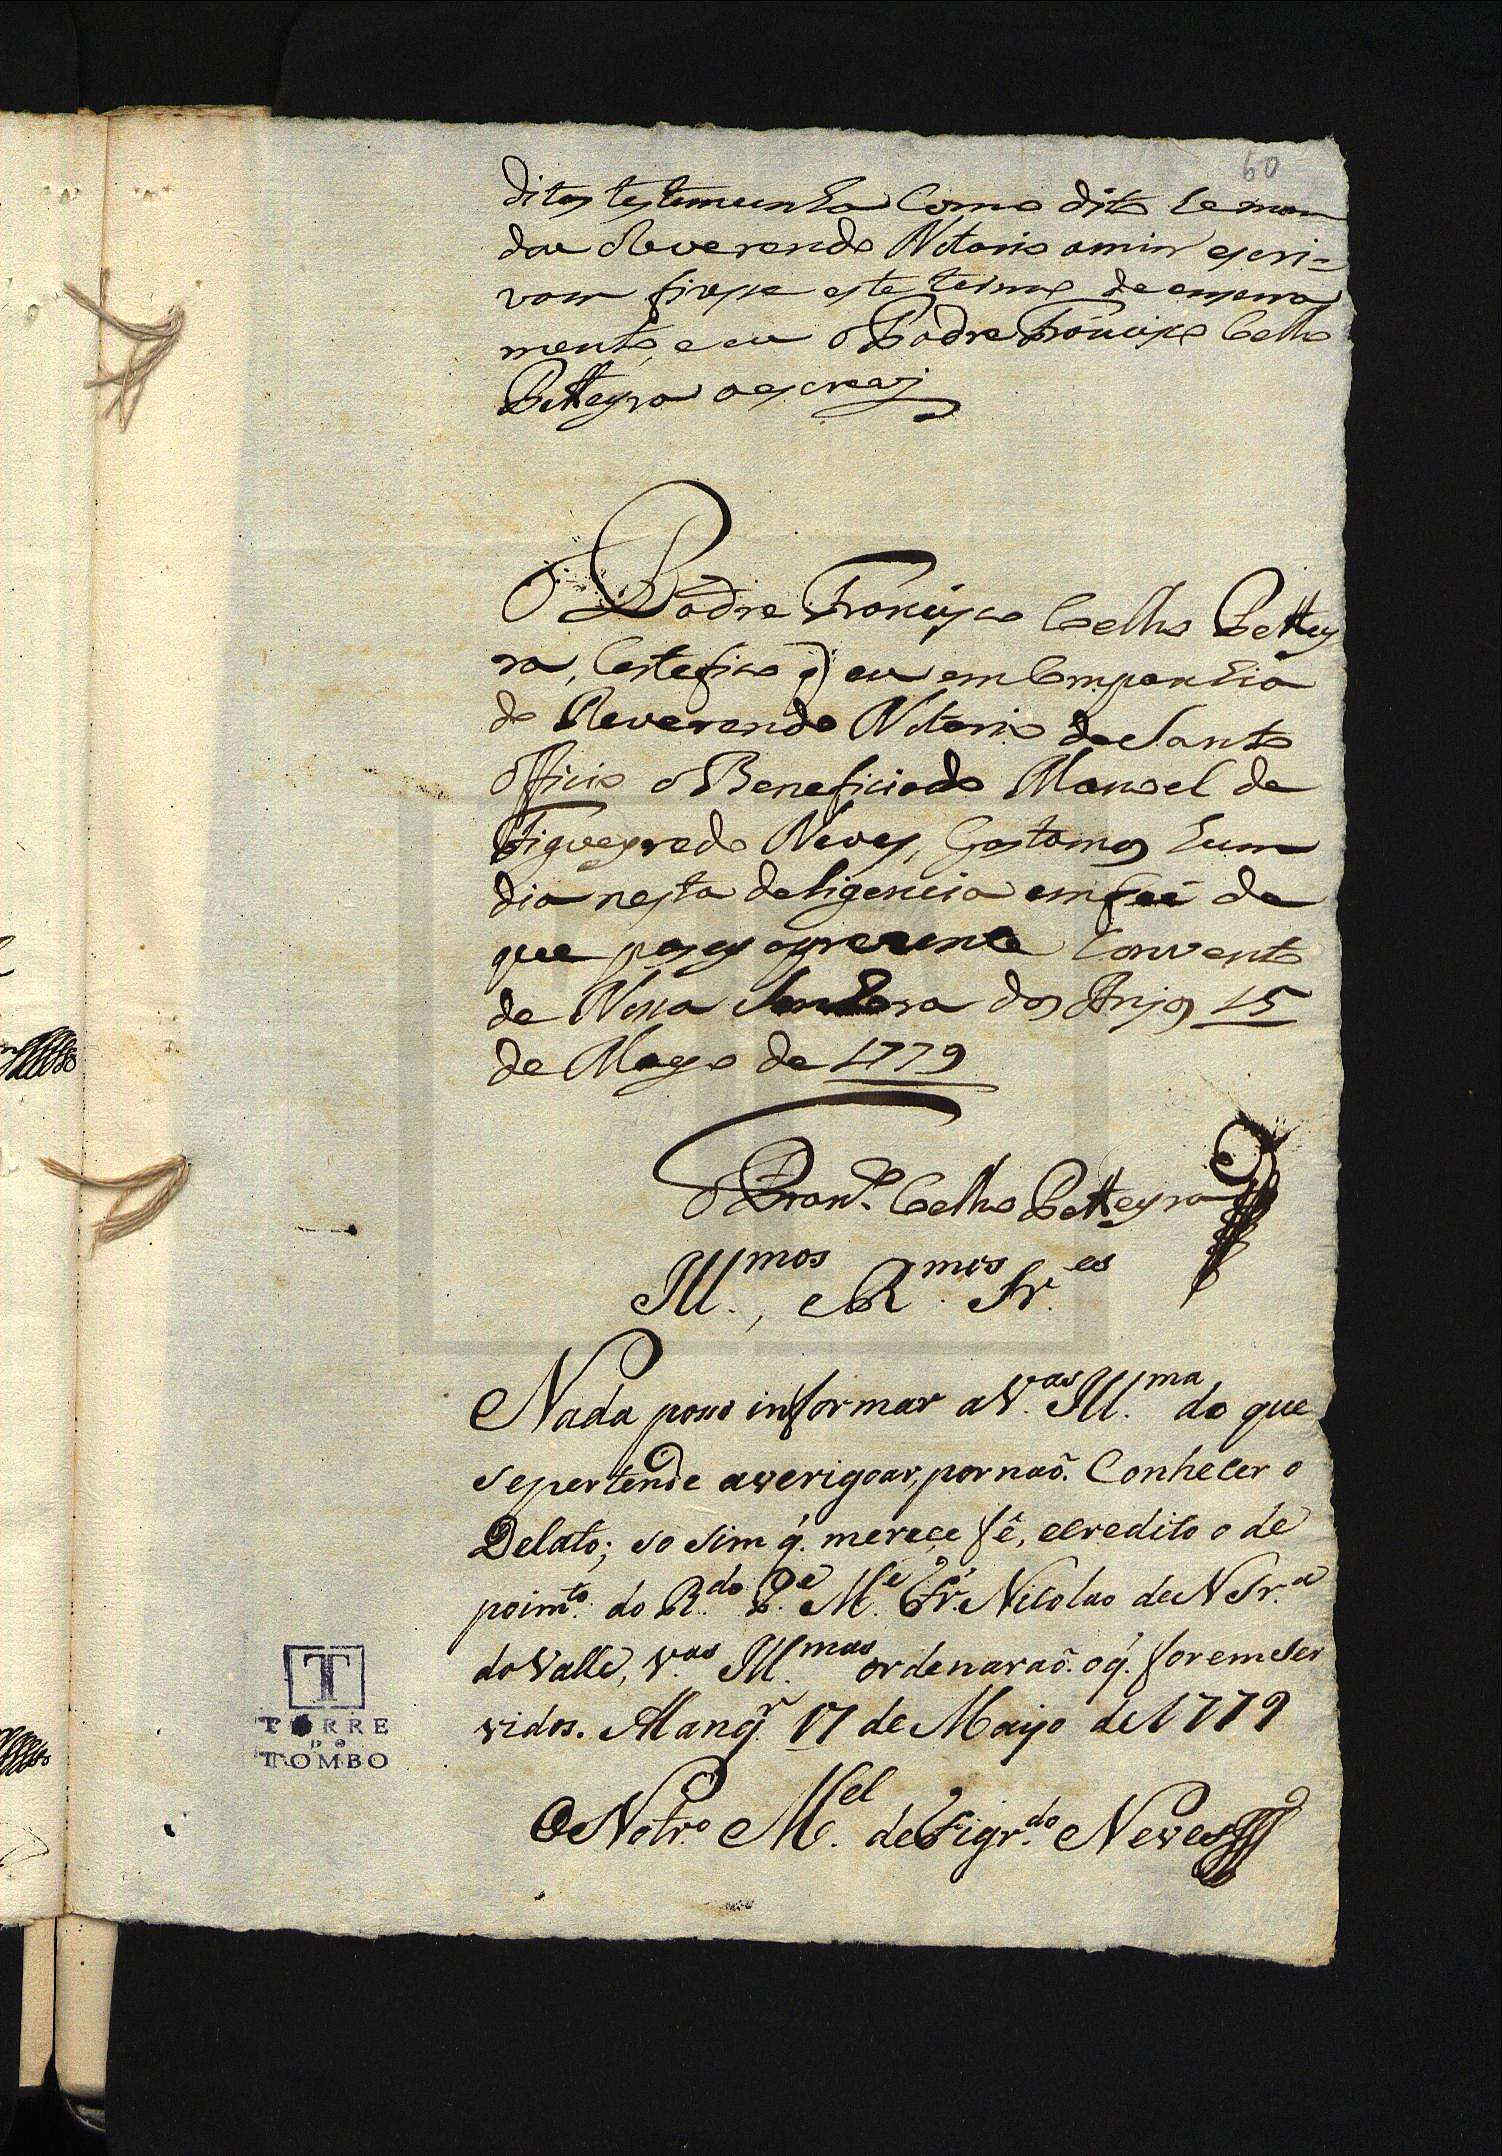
ditos testemunha como dito he man
dou Reverendo Notario a mim escri
vam fizesse este termo de enserra
mento, e eu o Padre Francisco Coelho
Petteyra o escrevj
O Padre Francisco Coelho Pettey
ra, Certefico q̄ eu em Companhia
do Reverendo Notario do Santo
officio o Beneficiado Manoel de
Figueyredo Neves, Gastamos hum
dia nesta deligencia em feé de
que pasey o prezente Convento
de Nossa Senhora dos Anjos 15
de Mayo de 1779
Fran.co Coelho Petteyra
Ill.mos, e R.mos Sr.es
Nada posso informar a V.as Ill.ma do que
se pertende averigoar, por naõ. Conhecer o
Delato; so sim q̄ merece fê, e credito o de
poim.to do R.do P.e M.e Fr̄. Nicolao de N Sr.a
do Valle, V.as Ill.mas ordenaraõ o q̄ forem ser
vidos. Alanq.r 17 de Mayo de 1779
O Notr.o M.el de Figr.do Neves
